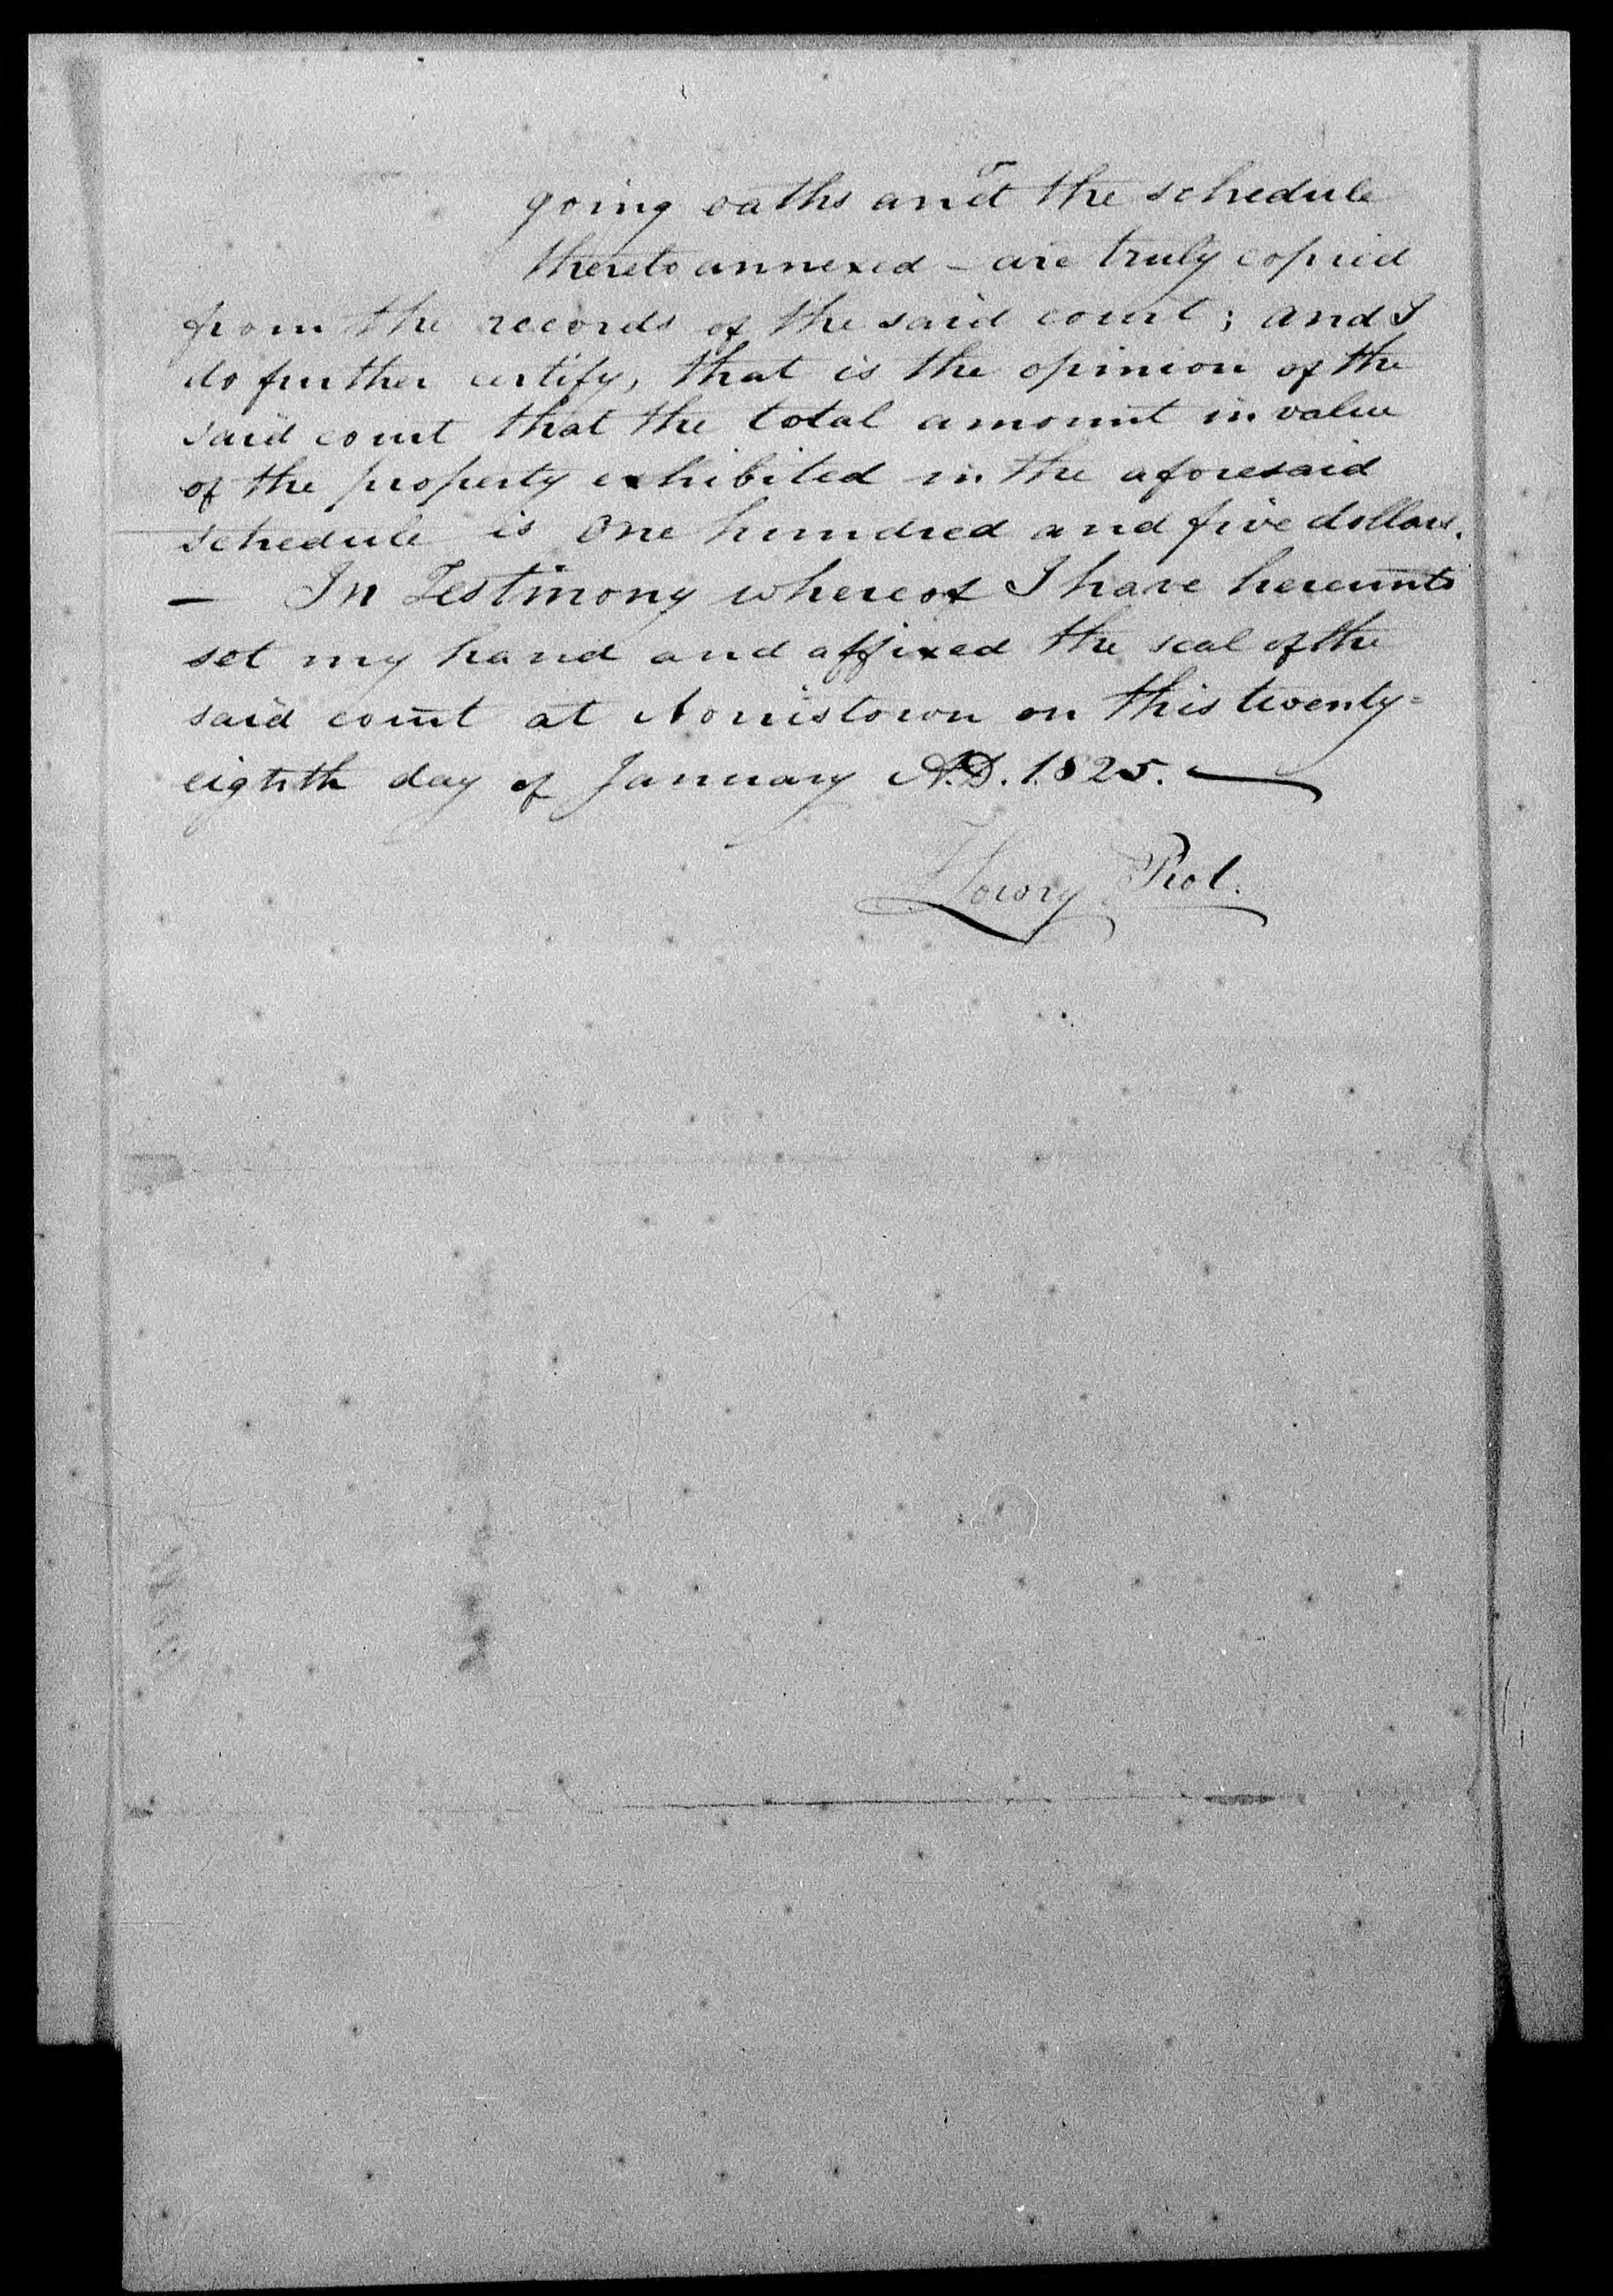going oaths and the schedule thereto annexed - are truly copied from the records of the said court; and I do further certify, that is the opinion of the said court that the total amount in value of the property exhibited in the aforesaid schedule is one hundred and five dollars.
    In testimony whereof I have hereunto set my hand and affixed the seal of the said court at Morristown on the twenty eighth day of January A.D. 1825.

                                             //s//
                                      T. Lowry  Proth.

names: T Lowry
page: 10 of 13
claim: survivor's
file: S. 39,800, for David Kerbaugh, Pennsylvania